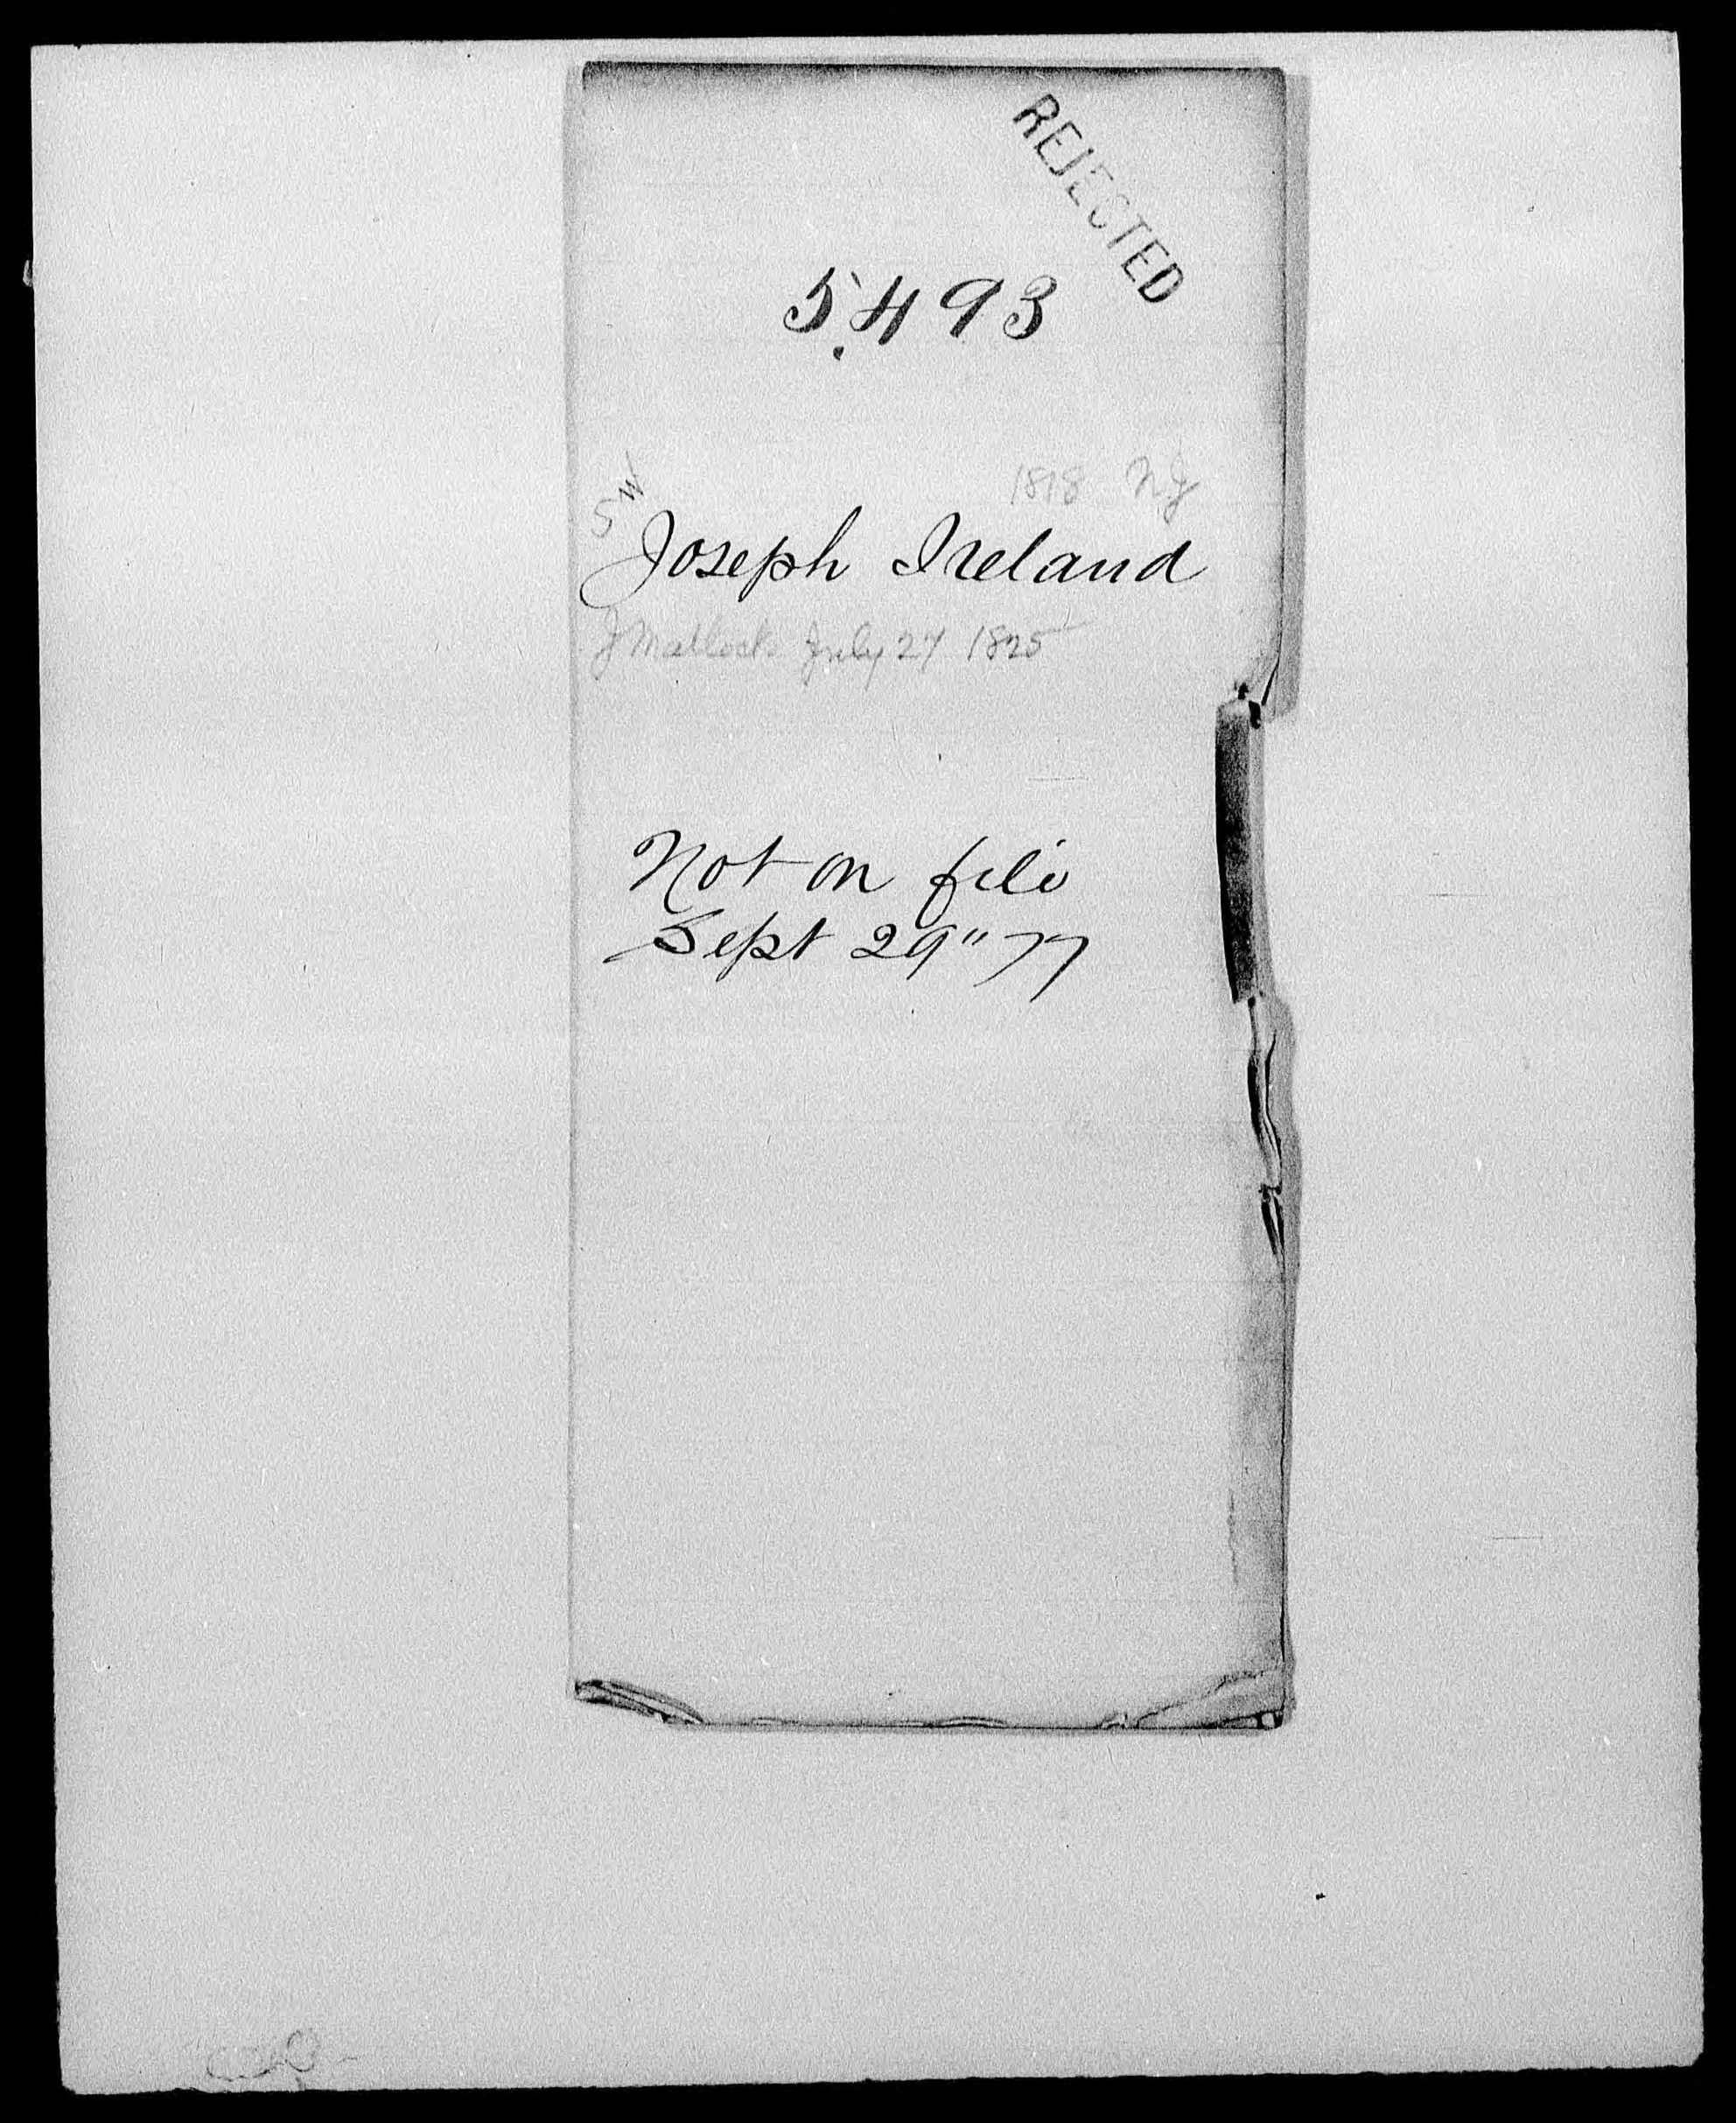Rejected
5493
1818 NJ
SW
Joseph Ireland
J Matlock July 27,1825
Not on file
Sept 29'77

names: J Matlock; Joseph Ireland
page: 4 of 6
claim: rejected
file: R. 5493, for Joseph Ireland, New Jersey